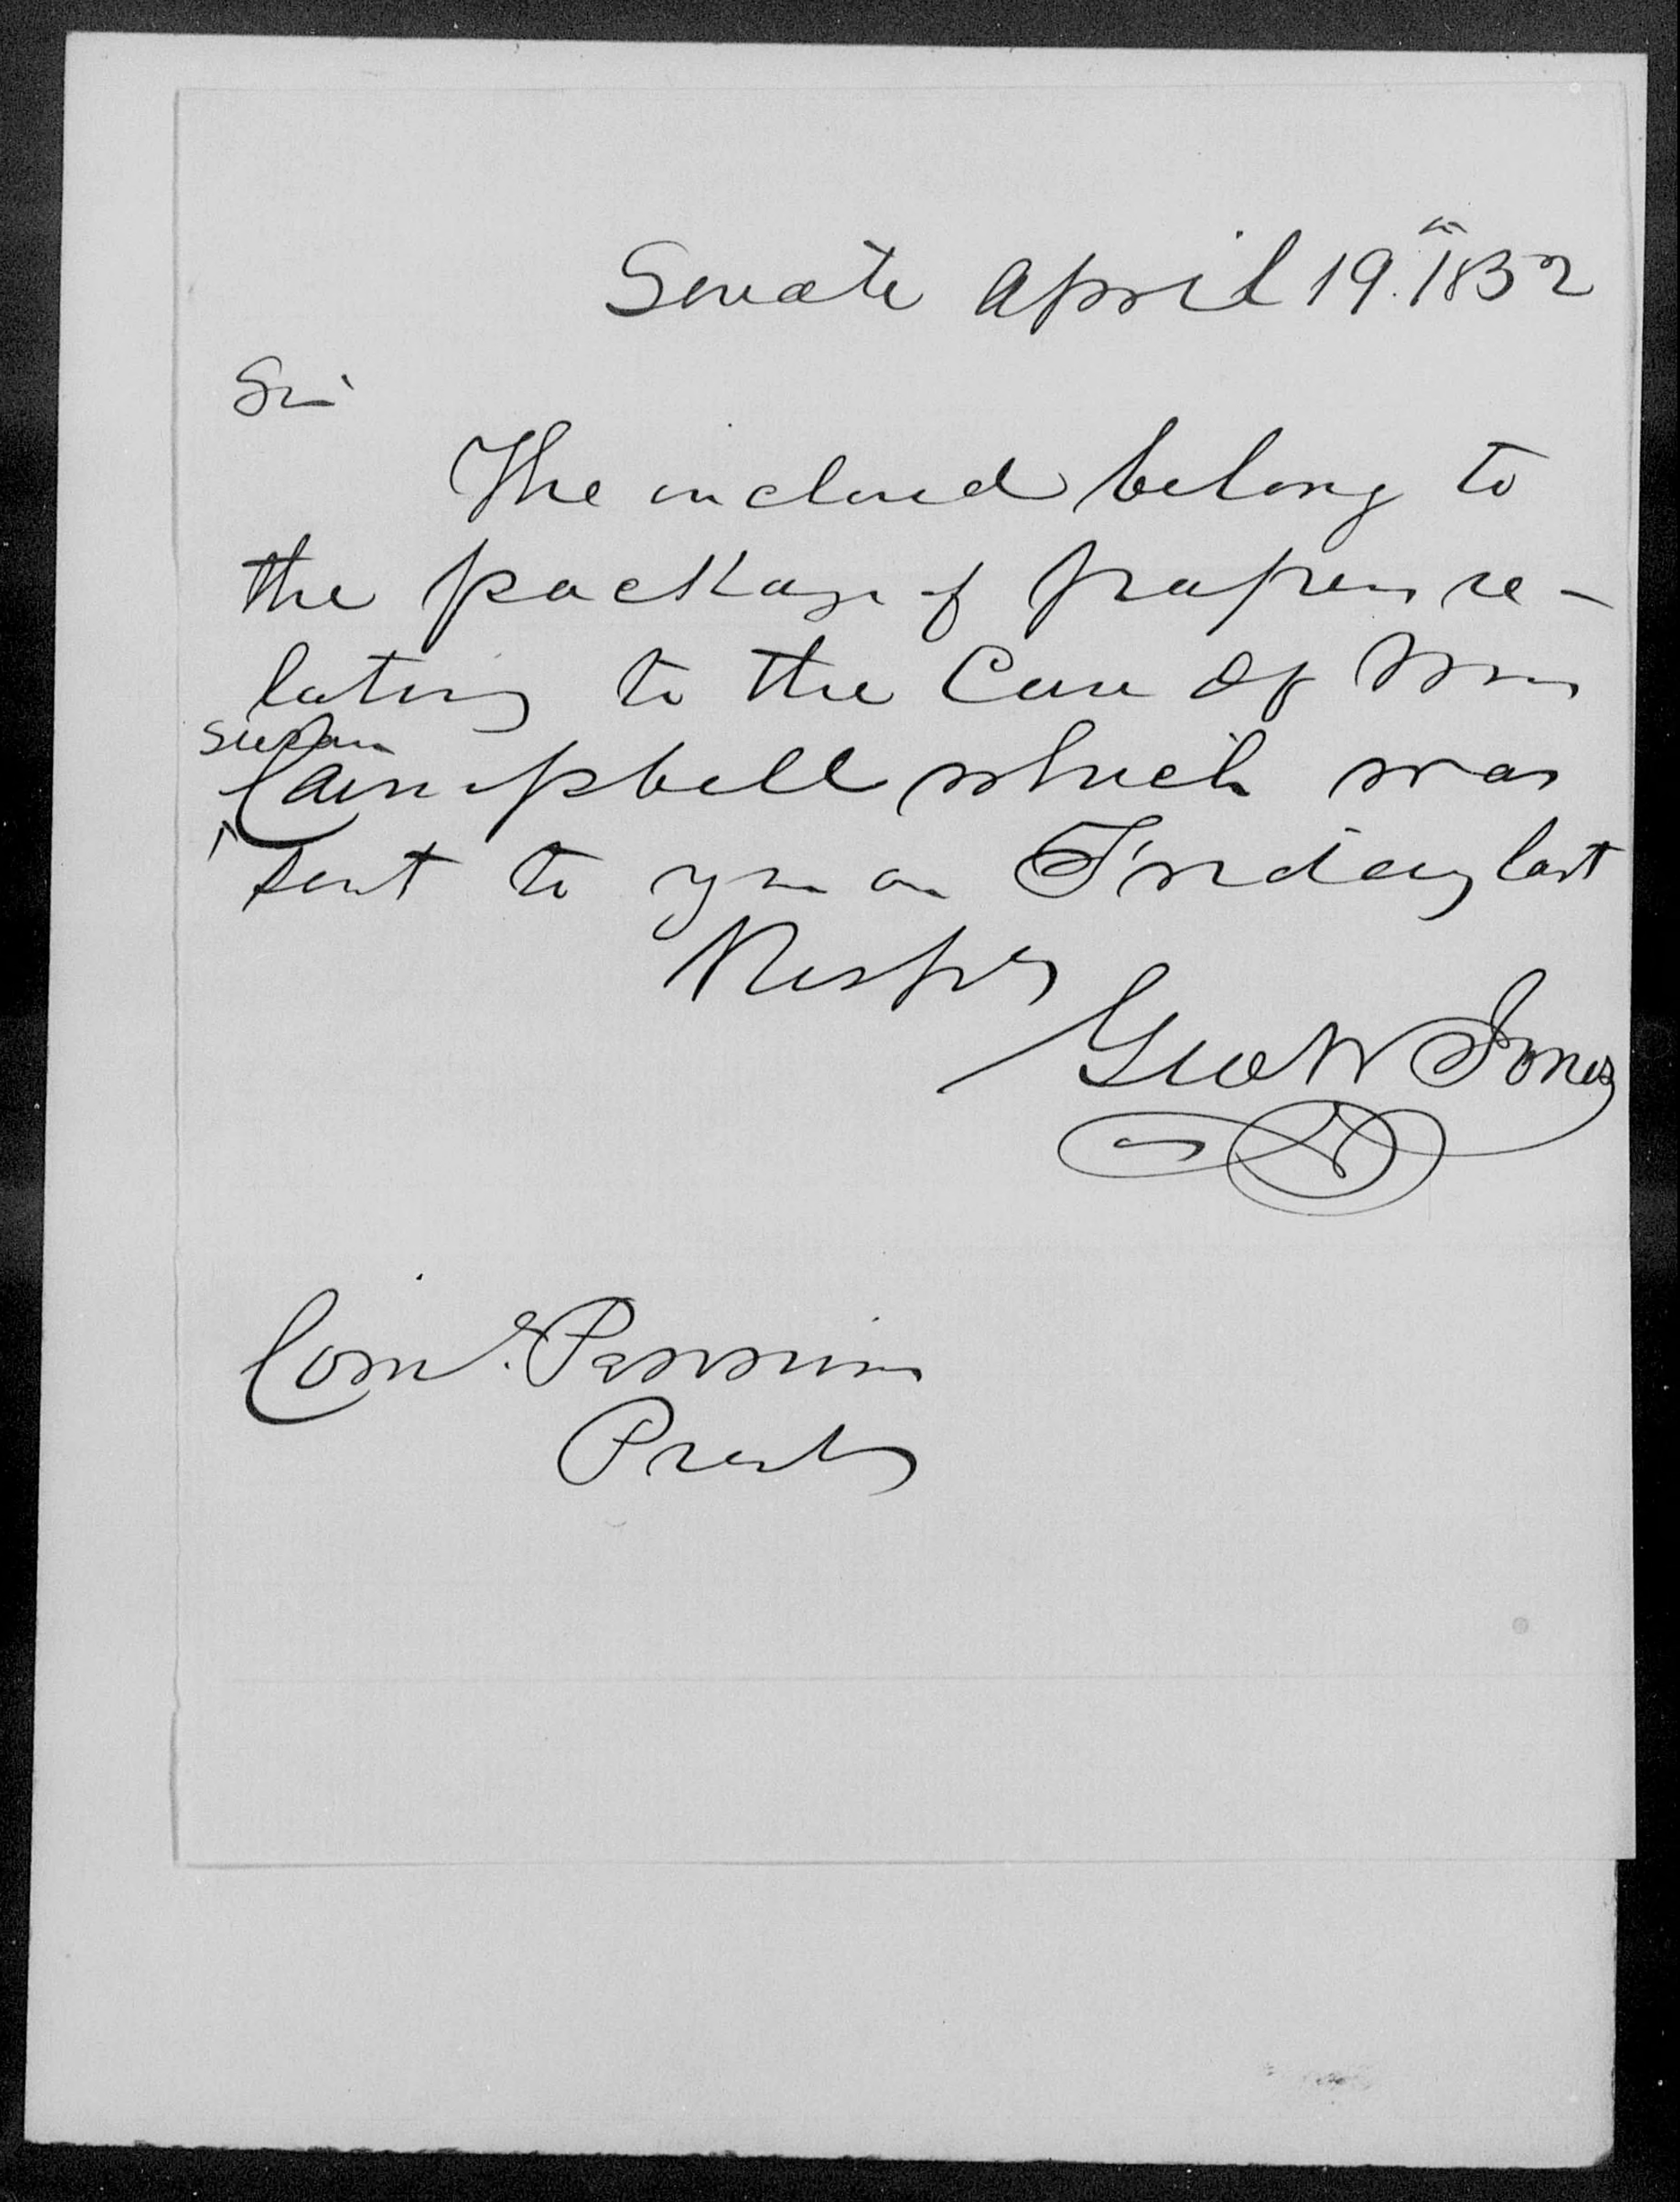Senate April 19th. 1832

Sir
The inclosed belong to the package of papers relating to the Case of Mrs Susan Campbell which was sent to you on Friday last
Respy
Geo W Jones

Comr. Pensions
Prest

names: Geo W Jones, Susan Campbell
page: 100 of 267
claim: widow's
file: W. 4,149, William Campbell, Va.